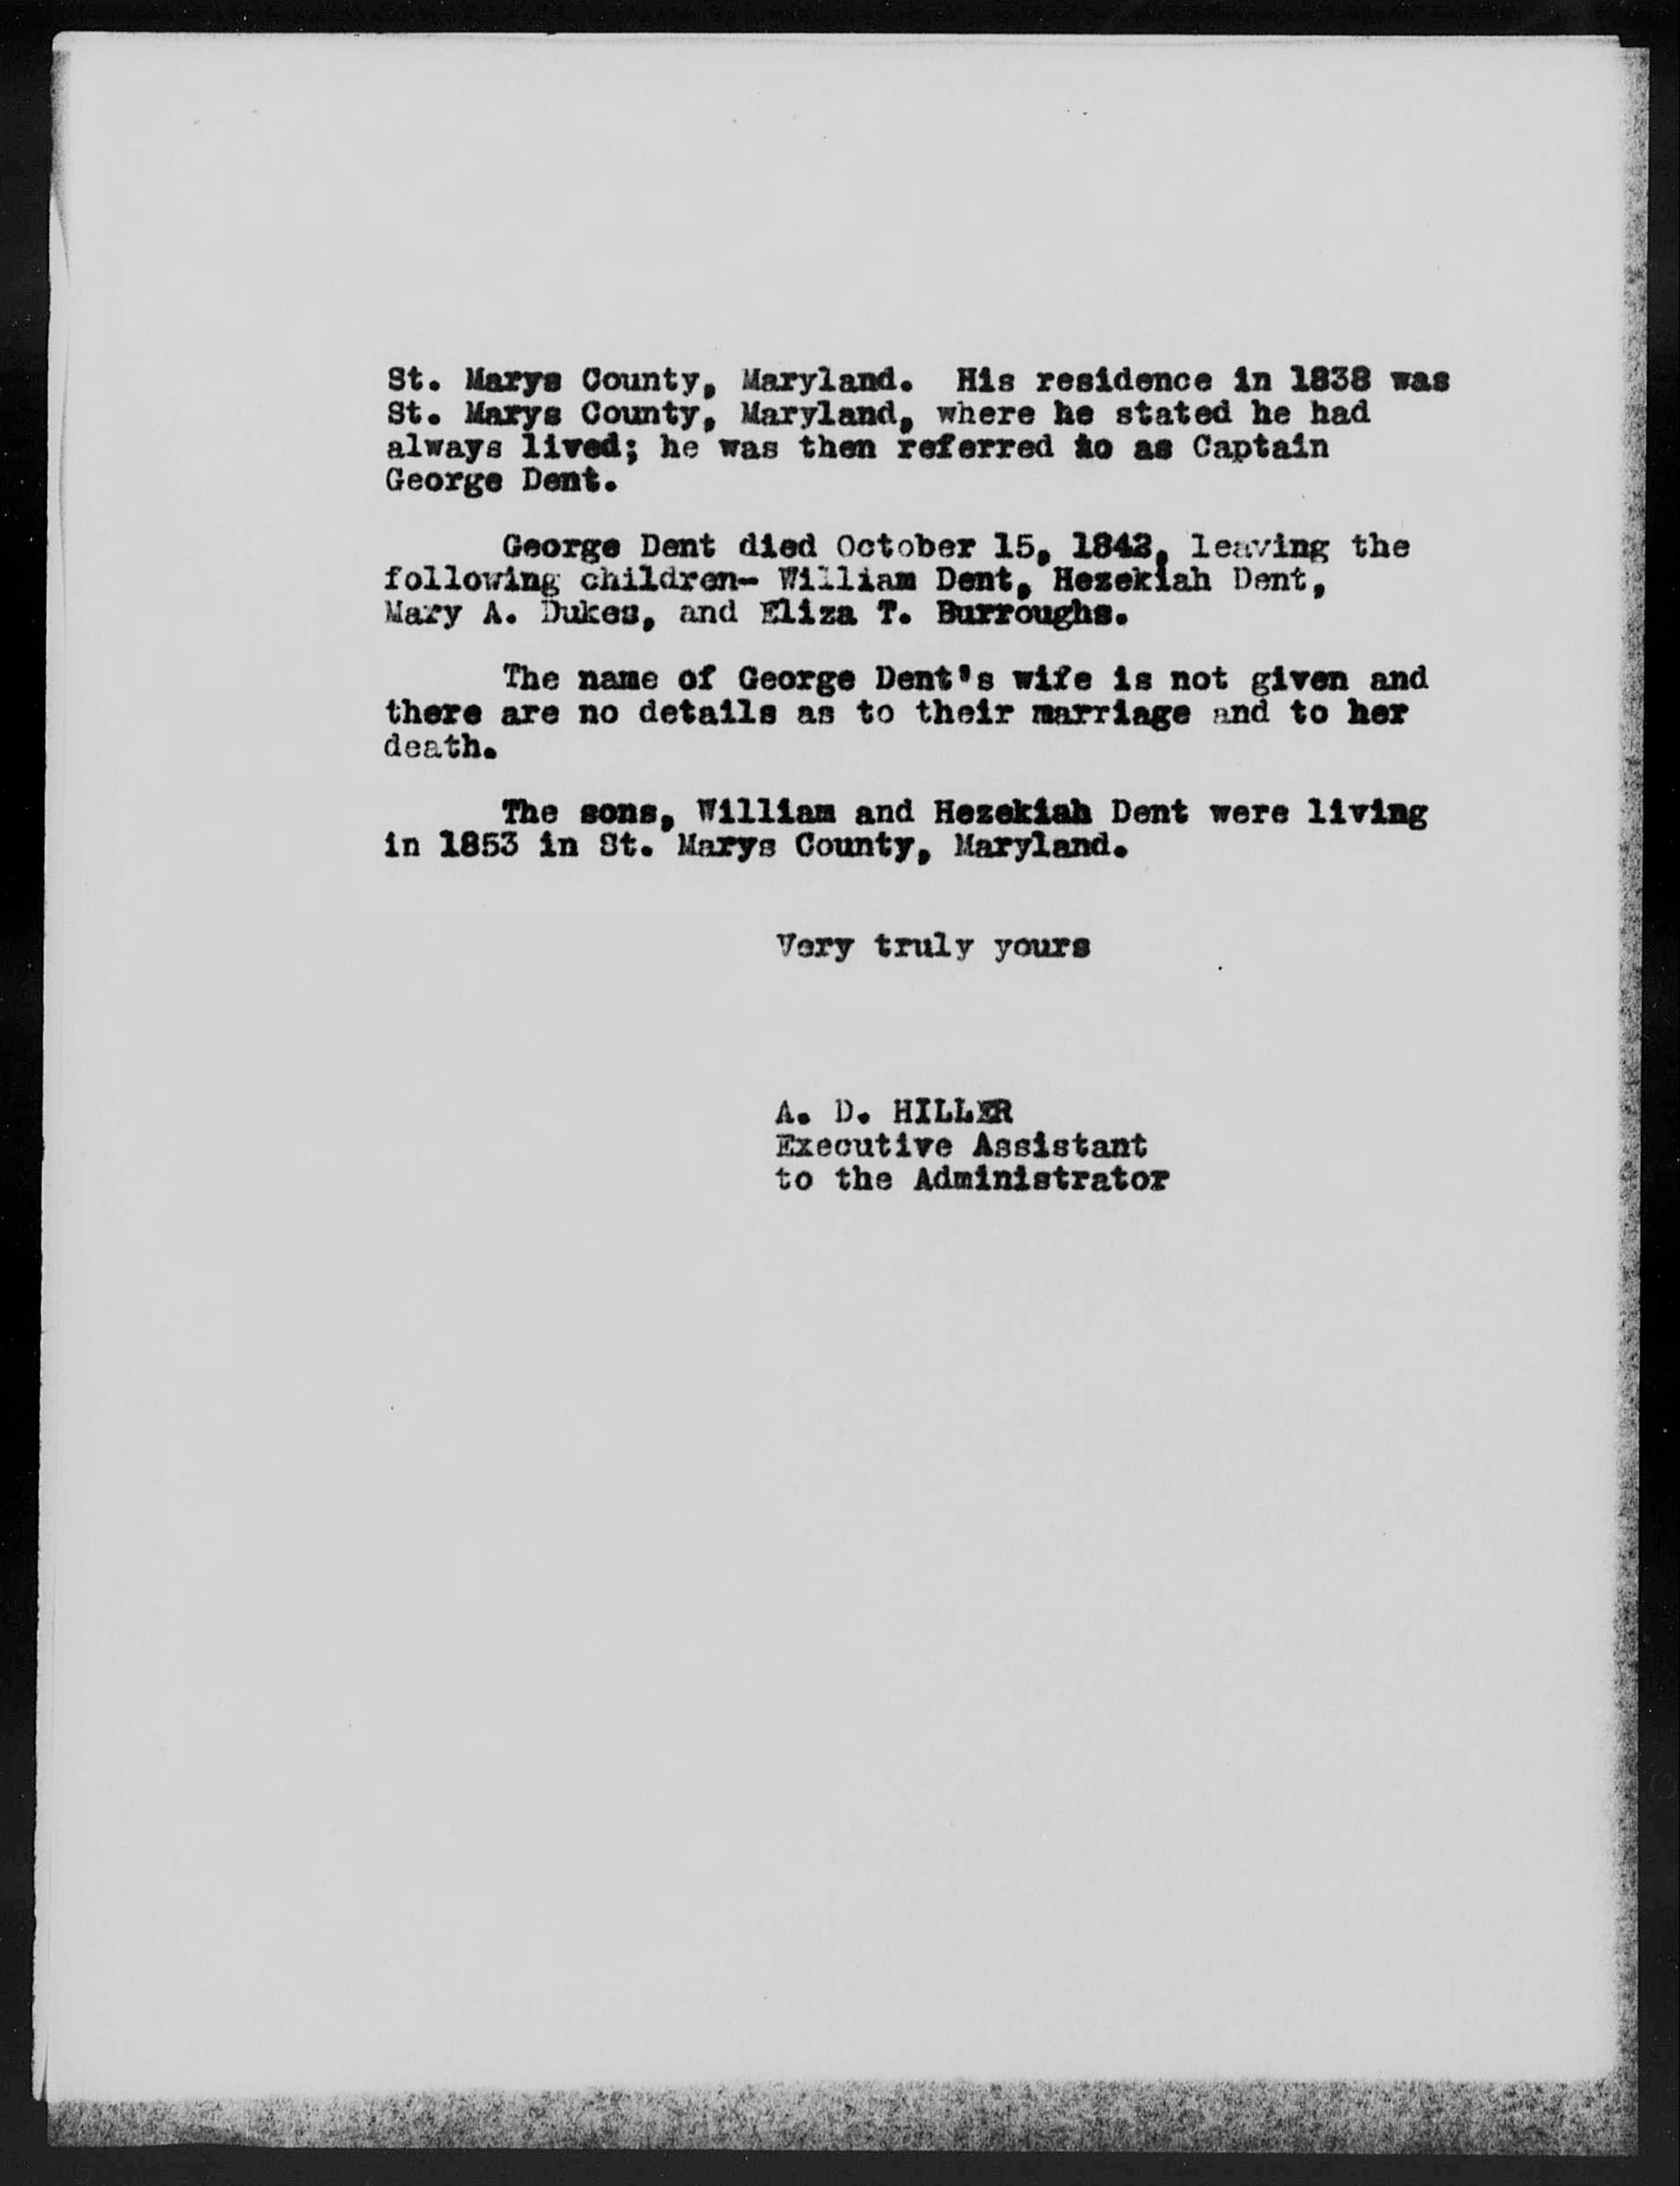George Dent (cont.)
St. Marys County, Maryland. His residence in 1838 was St. Marys County, Maryland, where he stated he had always lived; he was then referred to as Captain George Dent 
George Dent died October 15, 1842, leaving the following children William Dent, Hezekiah Dent, Mary A. Dukes, and Eliza T. Burroughs. The name of George Dent's wife is not given and there are no details as to their marriage and to her death. The sons, William and Hezekiah Dent were living in 1853 in St. Marys County, Maryland. 
Very truly yours 
A. D. HILLER Executive Assistant 
to the Administrator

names: Mary A Dukes, Eliza T Burroughs, George Dent, George Dent, George Dent, William Dent, A D Hiller, Hezekiah Dent, Hezekiah Dent, William Dent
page: 16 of 49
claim: survivor's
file: S. 12755, George Dent, Md.